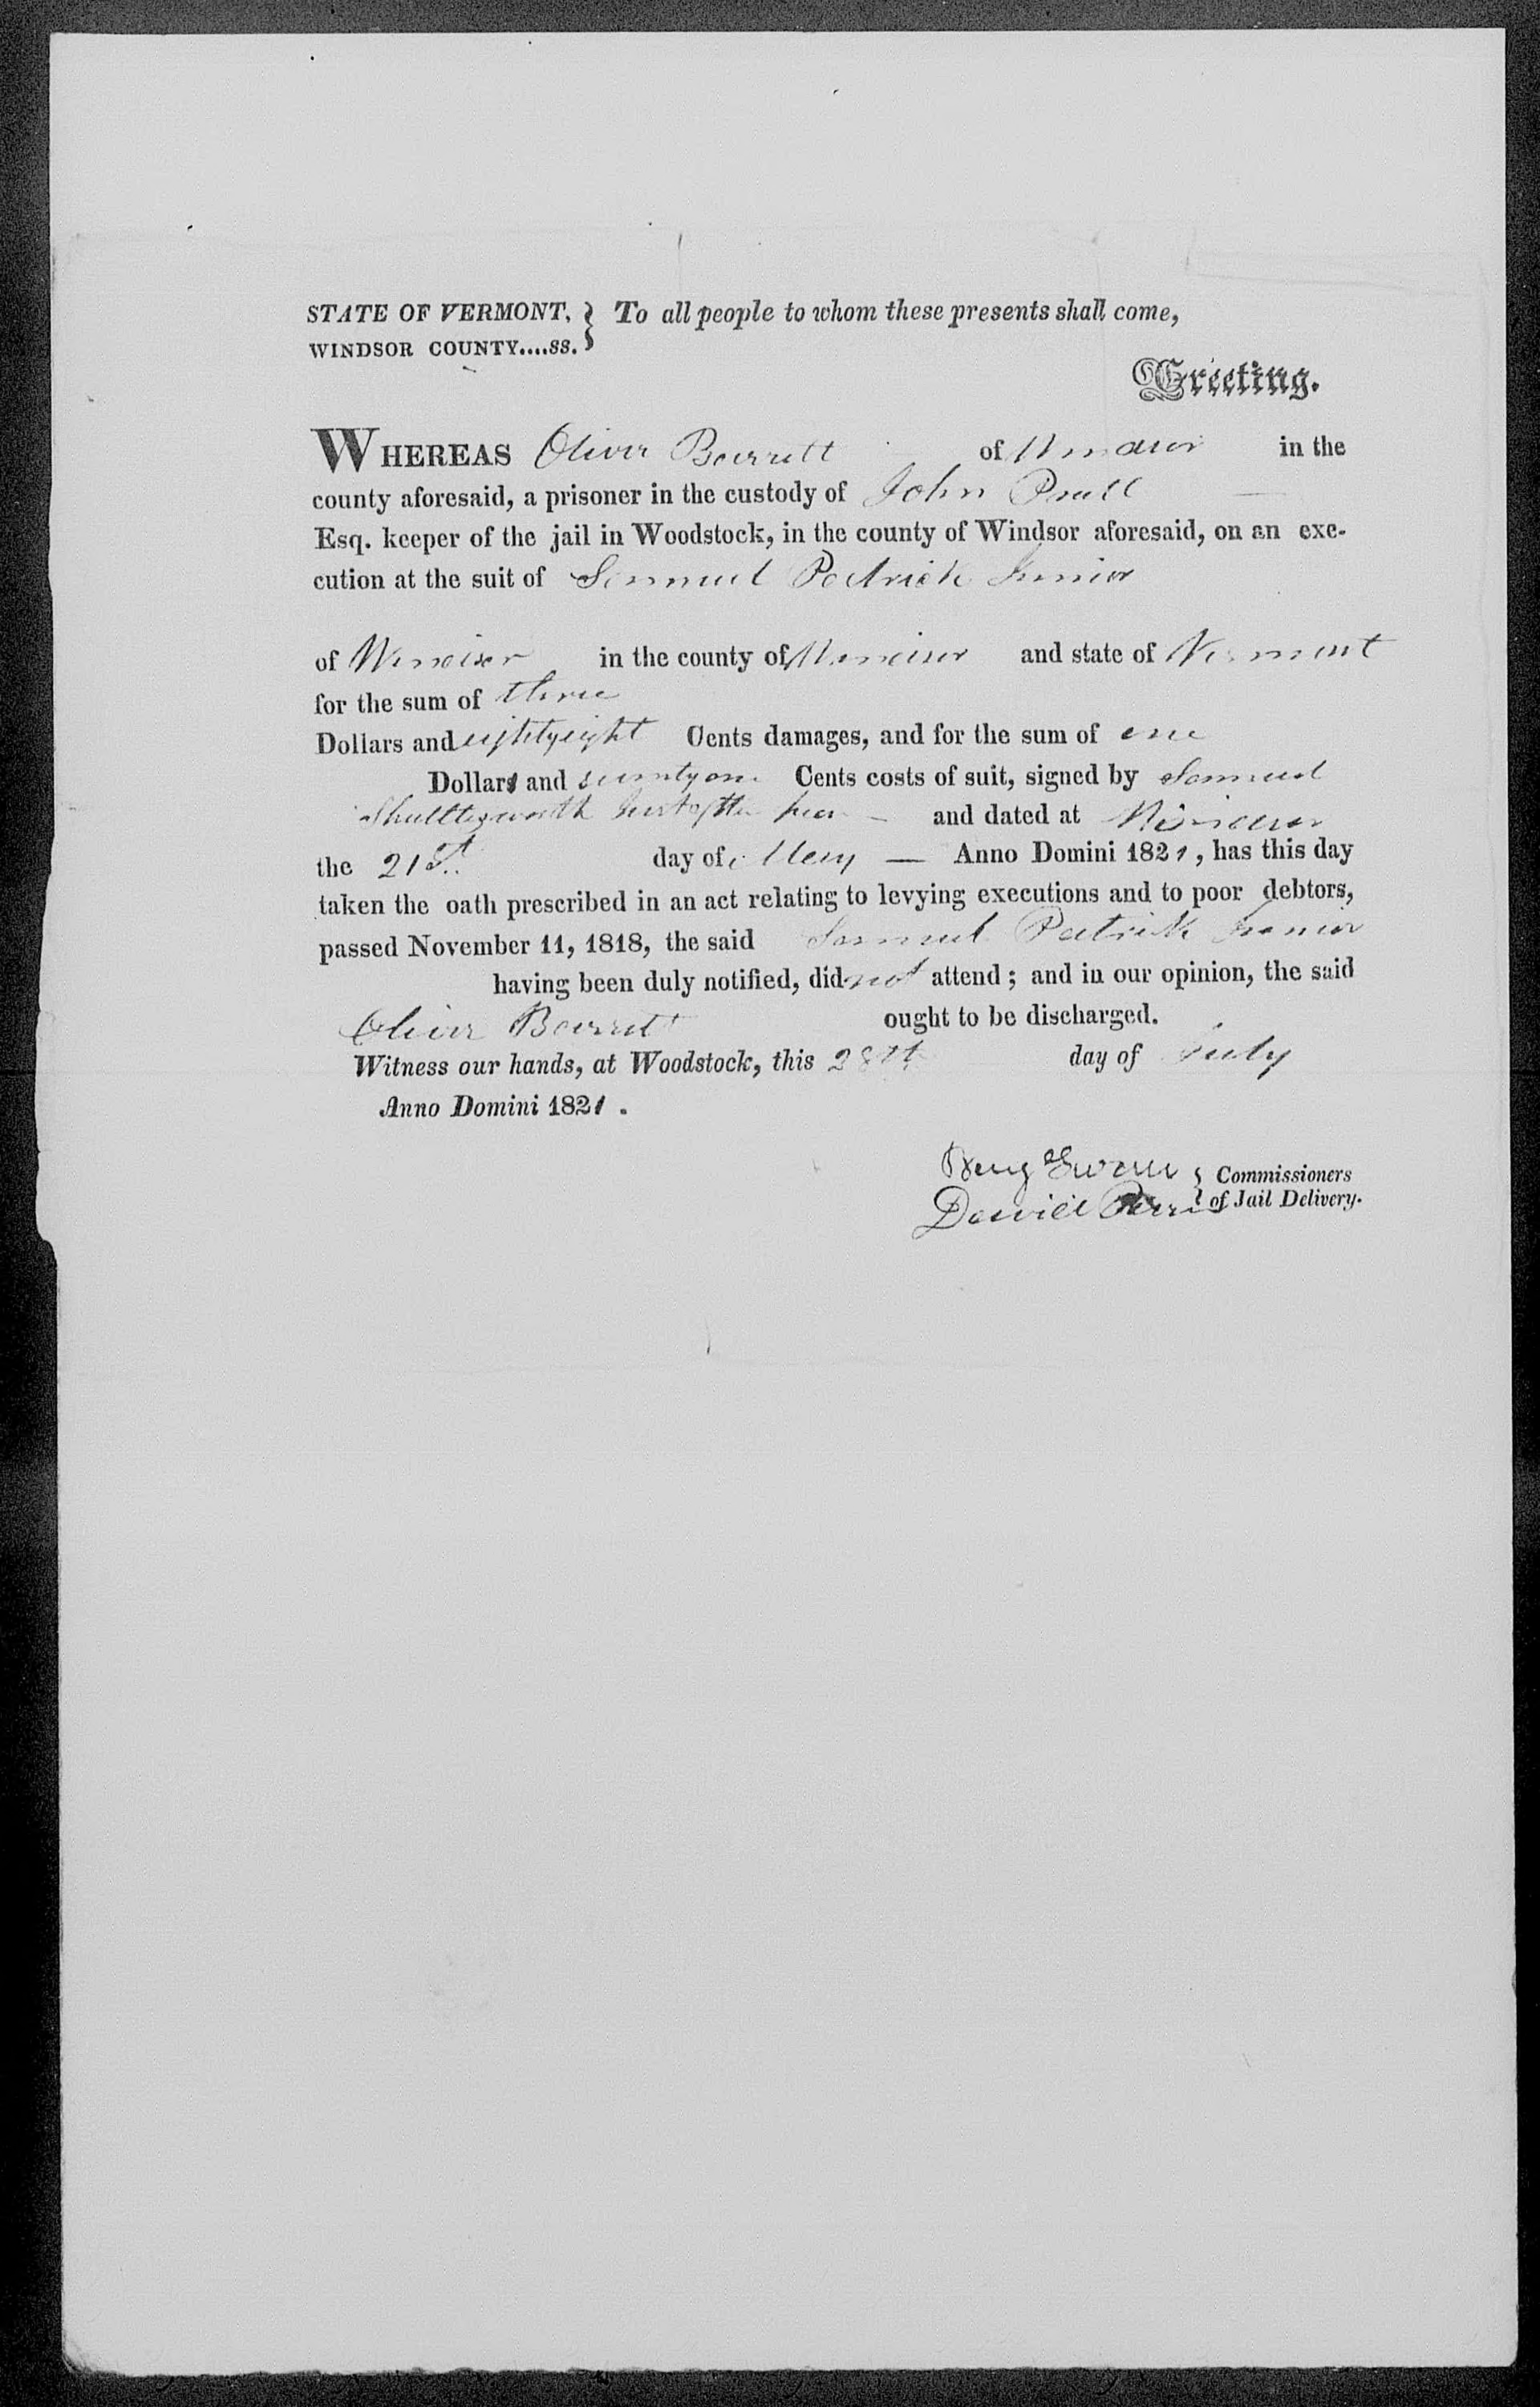State of Vermont
Windsor County...ss} To all people to whom these present shall come, 
Greeting, 
Whereas Oliver Barrett of Windsor in the county aforesaid, a prisoner in the custody of John Prull Esq., keeper of the jail in Woodstock, in the county of Windsor aforesaid, on an execution at the suit of Samuel Patrick Junior
of Windsor in the county of Windsor and state of Vermont for the sum of three
Dollars and eighty eight Cents damages, and for the sum of one Dollar and seventeen Cents costs of suit, signed by Samuel Shuttlesworth Just of the Peace and dates at Windsor the 21st day of May Anno Domini 1821, has this day taken the oath prescribed in an act relating to levying executions and to poor debtors, passed November 11, 1818, the said Samuel Patrick Junior
having been duly notified, did not attend; and in our opinion, the said Oliver Barrett ought to be discharged, 
Witness our hands, at Woodstock, this 28th day of July
Anno Domini 1821
Benj Swan
Daniel Perris 
Commissioners of Jail Delivery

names: Oliver Barrett, Samuel Shuttlesworth, Samuel Patrick, Samuel Patrick, Oliver Barrett, Benj Swan, John Prull, Daniel Perris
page: 38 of 83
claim: widow's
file: W. 10,384, Oliver Barrett, Continental (Vt.) N.Y.